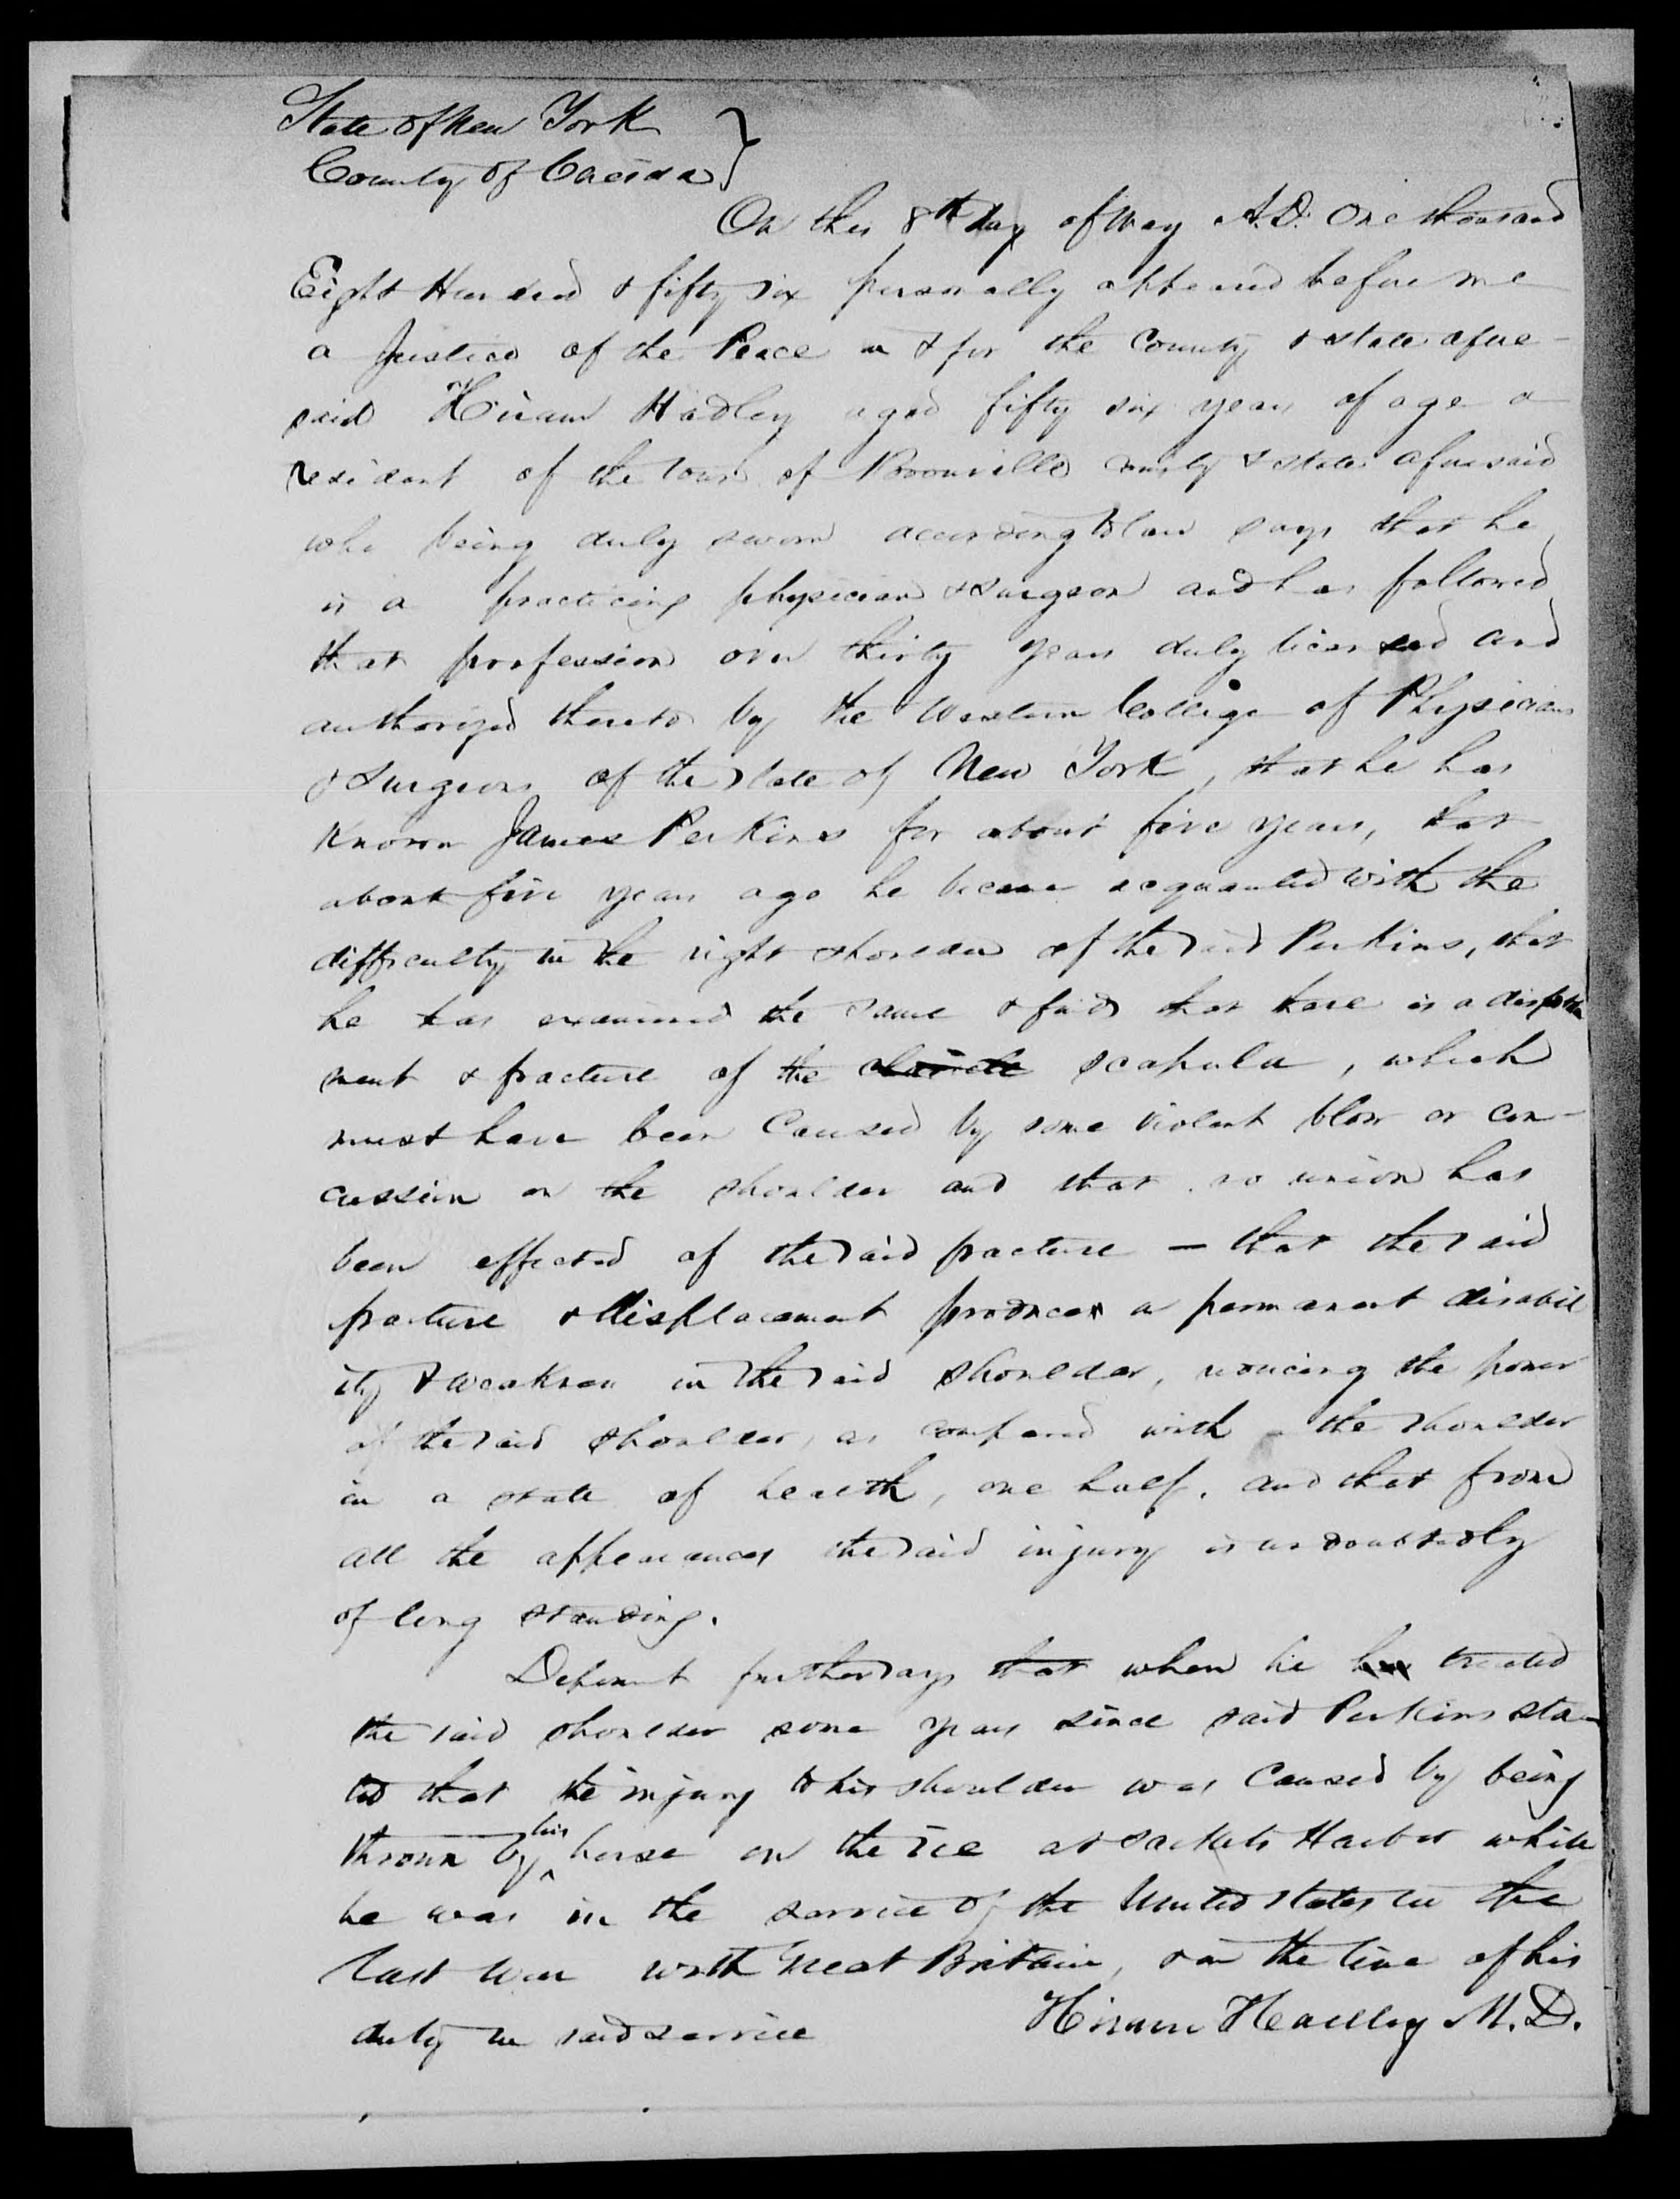State of New York 
County of Oneida }  On this 8th day of May A.D. One thousand Eight Hundred & fifty six personally appeared before me a Justice of the Peace in & for the County & State aforesaid Hiram Hadley aged fifty six years of age a resident of the town of Boonville county & state aforesaid who being duly sworn according to law says that he is a practicing physician & surgeon and has followed that profession over thirty years duly licensed and authorized thereto by the Western College of Physicians & Surgeons of the State of New York, that he has known James Perkins for about five years, that about five years ago he became acquainted with the difficulty in the right shoulder of the said Perkins, that he has examined the same & finds that there is a displacement & fracture of the scapula, which must have been caused by some violent blow or concussion on the shoulder and that no union has been effected of the said fracture - that the said fracture & displacement produces a permanent disability & weakness in the said shoulder, reducing the power of the said shoulder as compared with the shoulder in a state of health, one half, and that from all the appearances the said injury is undoubtedly of long standing. 
Deponent further says that when he treated the said shoulder some years since said Perkins stated that the injury to his shoulder was caused by being thrown by his horse on the ice at Sackets Harbor while he was in the service of the United States in the last war with Great Britain, & in the line of his duty in said service 
[signed] Hiram Hadley M.D.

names: James Perkins; Hiram Hadley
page: 14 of 44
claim: rejected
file: R. 17,033, for Joseph Perkins, New York